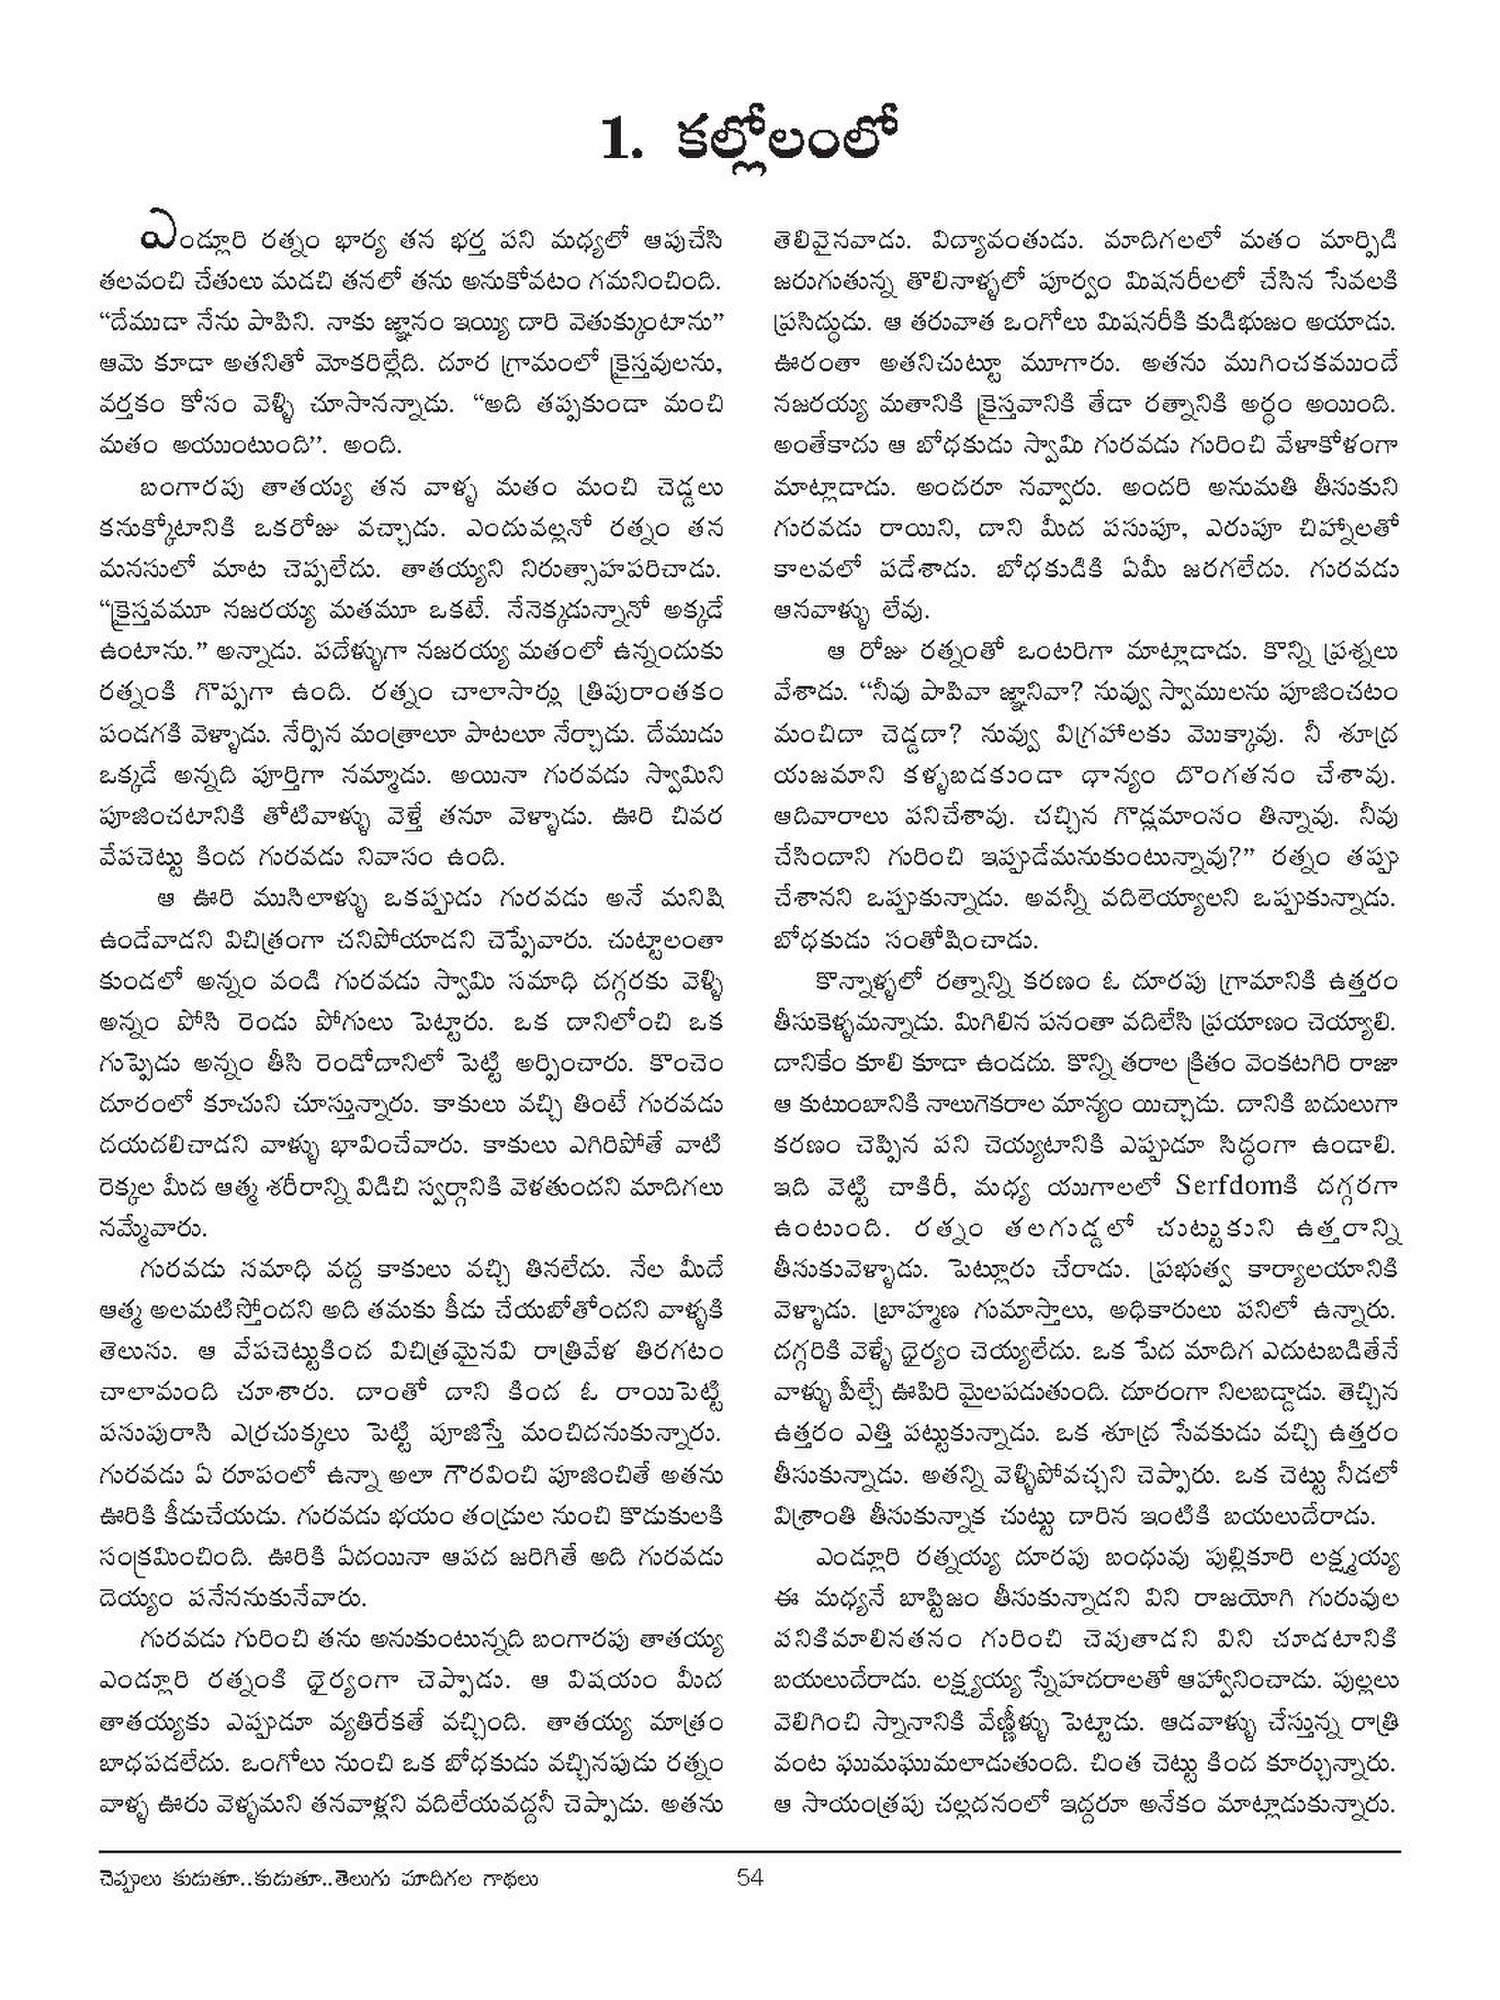1. కల్లోలంలో

డ్లూరి రత్నం భార్య తన భర్త పని మధ్యలో ఆపుచేసి తలవంచి చేతులు మడచి తనలో తను అనుకోవటం గమనించింది. “దేముడా నేను పాపిని. నాకు జ్ఞానం ఇయ్యి దారి వెతుక్కుంటాను” ఆమె కూడా అతనితో మోకరిల్లేది. దూర గ్రామంలో క్రైస్తవులను, వర్తకం కోసం వెళ్ళి చూసానన్నాడు. "అది తప్పకుండా మంచి మతం అయుంటుంది”. అంది.

బంగారపు తాతయ్య తన వాళ్ళ మతం మంచి చెడ్డలు కనుక్కోటానికి ఒకరోజు వచ్చాడు. ఎందువల్లనో రత్నం తన మనసులో మాట చెప్పలేదు. తాతయ్యని నిరుత్సాహపరిచాడు. "క్రైస్తవమూ నజరయ్య మతమూ ఒకటే. నేనెక్కడున్నానో అక్కడే ఉంటాను.” అన్నాడు. పదేళ్ళుగా నజరయ్య మతంలో ఉన్నందుకు రత్నంకి గొప్పగా ఉంది. రత్నం చాలాసార్లు త్రిపురాంతకం పండగకి వెళ్ళాడు. నేర్పిన మంత్రాలూ పాటలూ నేర్చాడు. దేముడు ఒక్కడే అన్నది పూర్తిగా నమ్మాడు. అయినా గురవడు స్వామిని పూజించటానికి తోటివాళ్ళు వెళ్తే తనూ వెళ్ళాడు. ఊరి చివర వేపచెట్టు కింద గురవడు నివాసం ఉంది.

ఆ ఊరి ముసిలాళ్ళు ఒకప్పుడు గురవడు అనే మనిషి ఉండేవాడని విచిత్రంగా చనిపోయాడని చెప్పేవారు. చుట్టాలంతా కుండలో అన్నం వండి గురవడు స్వామి సమాధి దగ్గరకు వెళ్ళి అన్నం పోసి రెండు పోగులు పెట్టారు. ఒక దానిలోంచి ఒక గుప్పెడు అన్నం తీసి రెండోదానిలో పెట్టి అర్పించారు. కొంచెం దూరంలో కూచుని చూస్తున్నారు. కాకులు వచ్చి తింటే గురవడు దయదలిచాడని వాళ్ళు భావించేవారు. కాకులు ఎగిరిపోతే వాటి రెక్కల మీద ఆత్మ శరీరాన్ని విడిచి స్వర్గానికి వెళతుందని మాదిగలు నమ్మేవారు.

గురవడు సమాధి వద్ద కాకులు వచ్చి తినలేదు. నేల మీదే ఆత్మ అలమటిస్తోందని అది తమకు కీడు చేయబోతోందని వాళ్ళకి తెలుసు. ఆ వేపచెట్టుకింద విచిత్రమైనవి రాత్రివేళ తిరగటం చాలామంది చూశారు. దాంతో దాని కింద ఓ రాయిపెట్టి పసుపురాసి ఎర్రచుక్కలు పెట్టి పూజిస్తే మంచిదనుకున్నారు. గురవడు ఏ రూపంలో ఉన్నా అలా గౌరవించి పూజించితే అతను ఊరికి కీడుచేయడు. గురవడు భయం తండ్రుల నుంచి కొడుకులకి సంక్రమించింది. ఊరికి ఏదయినా ఆపద జరిగితే అది గురవడు దెయ్యం పనేననుకునేవారు.

గురవడు గురించి తను అనుకుంటున్నది బంగారపు తాతయ్య ఎండ్లూరి రత్నంకి ధైర్యంగా చెప్పాడు. ఆ విషయం మీద తాతయ్యకు ఎప్పుడూ వ్యతిరేకతే వచ్చింది. తాతయ్య మాత్రం బాధపడలేదు. ఒంగోలు నుంచి ఒక బోధకుడు వచ్చినపుడు రత్నం వాళ్ళ ఊరు వెళ్ళమని తనవాళ్లని వదిలేయవద్దనీ చెప్పాడు. అతను తెలివైనవాడు. విద్యావంతుడు. మాదిగలలో మతం మార్పిడి జరుగుతున్న తొలినాళ్ళలో పూర్వం మిషనరీలలో చేసిన సేవలకి ప్రసిద్ధుడు. ఆ తరువాత ఒంగోలు మిషనరీకి కుడిభుజం అయాడు. ఊరంతా అతనిచుట్టూ మూగారు. అతను ముగించకముందే నజరయ్య మతానికి క్రైస్తవానికి తేడా రత్నానికి అర్ధం అయింది. అంతేకాదు ఆ బోధకుడు స్వామి గురవడు గురించి వేళాకోళంగా మాట్లాడాడు. అందరూ నవ్వారు. అందరి అనుమతి తీసుకుని గురవడు రాయిని, దాని మీద పసుపూ, ఎరుపూ చిహ్నాలతో
కాలవలో పడేశాడు. బోధకుడికి ఏమీ జరగలేదు. గురవడు ఆనవాళ్ళు లేవు.

ఆ రోజు రత్నంతో ఒంటరిగా మాట్లాడాడు. కొన్ని ప్రశ్నలు వేశాడు. "నీవు పాపివా జ్ఞానివా? నువ్వు స్వాములను పూజించటం మంచిదా చెడ్డదా? నువ్వు విగ్రహాలకు మొక్కావు. నీ శూద్ర యజమాని కళ్ళబడకుండా ధాన్యం దొంగతనం చేశావు. ఆదివారాలు పనిచేశావు, వచ్చిన గొడ్లమాంసం తిన్నావు. నీవు
చేసిందాని గురించి ఇప్పుడేమనుకుంటున్నావు?" రత్నం తప్పుచేశానని ఒప్పుకున్నాడు. అవన్నీ వదిలెయ్యాలని ఒప్పుకున్నాడు. బోధకుడు సంతోషించాడు.

కొన్నాళ్ళలో రత్నాన్ని కరణం ఓ దూరపు గ్రామానికి ఉత్తరం తీసుకెళ్ళమన్నాడు. మిగిలిన పనంతా వదిలేసి ప్రయాణం చెయ్యాలి. దానికేం కూలి కూడా ఉండదు. కొన్ని తరాల క్రితం వెంకటగిరి రాజా ఆ కుటుంబానికి నాలుగెకరాల మాన్యం యిచ్చాడు. దానికి బదులుగా కరణం చెప్పిన పని చెయ్యటానికి ఎప్పుడూ సిద్ధంగా ఉండాలి. ఇది వెట్టి చాకిరీ, మధ్య యుగాలలో Serfdomకి దగ్గరగా ఉంటుంది. రత్నం తలగుడ్డలో చుట్టుకుని ఉత్తరాన్ని తీసుకువెళ్ళాడు. పెట్లూరు చేరాడు. ప్రభుత్వ కార్యాలయానికి
వెళ్ళాడు. బ్రాహ్మణ గుమాస్తాలు, అధికారులు పనిలో ఉన్నారు. దగ్గరికి వెళ్ళే ధైర్యం చెయ్యలేదు. ఒక పేద మాదిగ ఎదుటబడితేనే వాళ్ళు పీల్చే ఊపిరి మైలపడుతుంది. దూరంగా నిలబడ్డాడు. తెచ్చిన ఉత్తరం ఎత్తి పట్టుకున్నాడు. ఒక శూద్ర సేవకుడు వచ్చి ఉత్తరం తీసుకున్నాడు. అతన్ని వెళ్ళిపోవచ్చని చెప్పారు. ఒక చెట్టు నీడలో విశ్రాంతి తీసుకున్నాక చుట్టు దారిన ఇంటికి బయలుదేరాడు.

ఎండ్లూరి రత్నయ్య దూరపు బంధువు పుల్లికూరి లక్ష్మయ్య ఈ మధ్యనే బాప్టిజం తీసుకున్నాడని విని రాజయోగి గురువుల పనికిమాలినతనం గురించి చెపుతాడని విని చూడటానికి బయలుదేరాడు. లక్ష్యయ్య స్నేహదరాలతో ఆహ్వానించాడు. పుల్లలు వెలిగించి స్నానానికి వేణ్ణీళ్ళు పెట్టాడు. ఆడవాళ్ళు చేస్తున్న రాత్రి
వంట ఘుమఘుమలాడుతుంది. చింత చెట్టు కింద కూర్చున్నారు. ఆ సాయంత్రపు చల్లదనంలో ఇద్దరూ అనేకం మాట్లాడుకున్నారు.